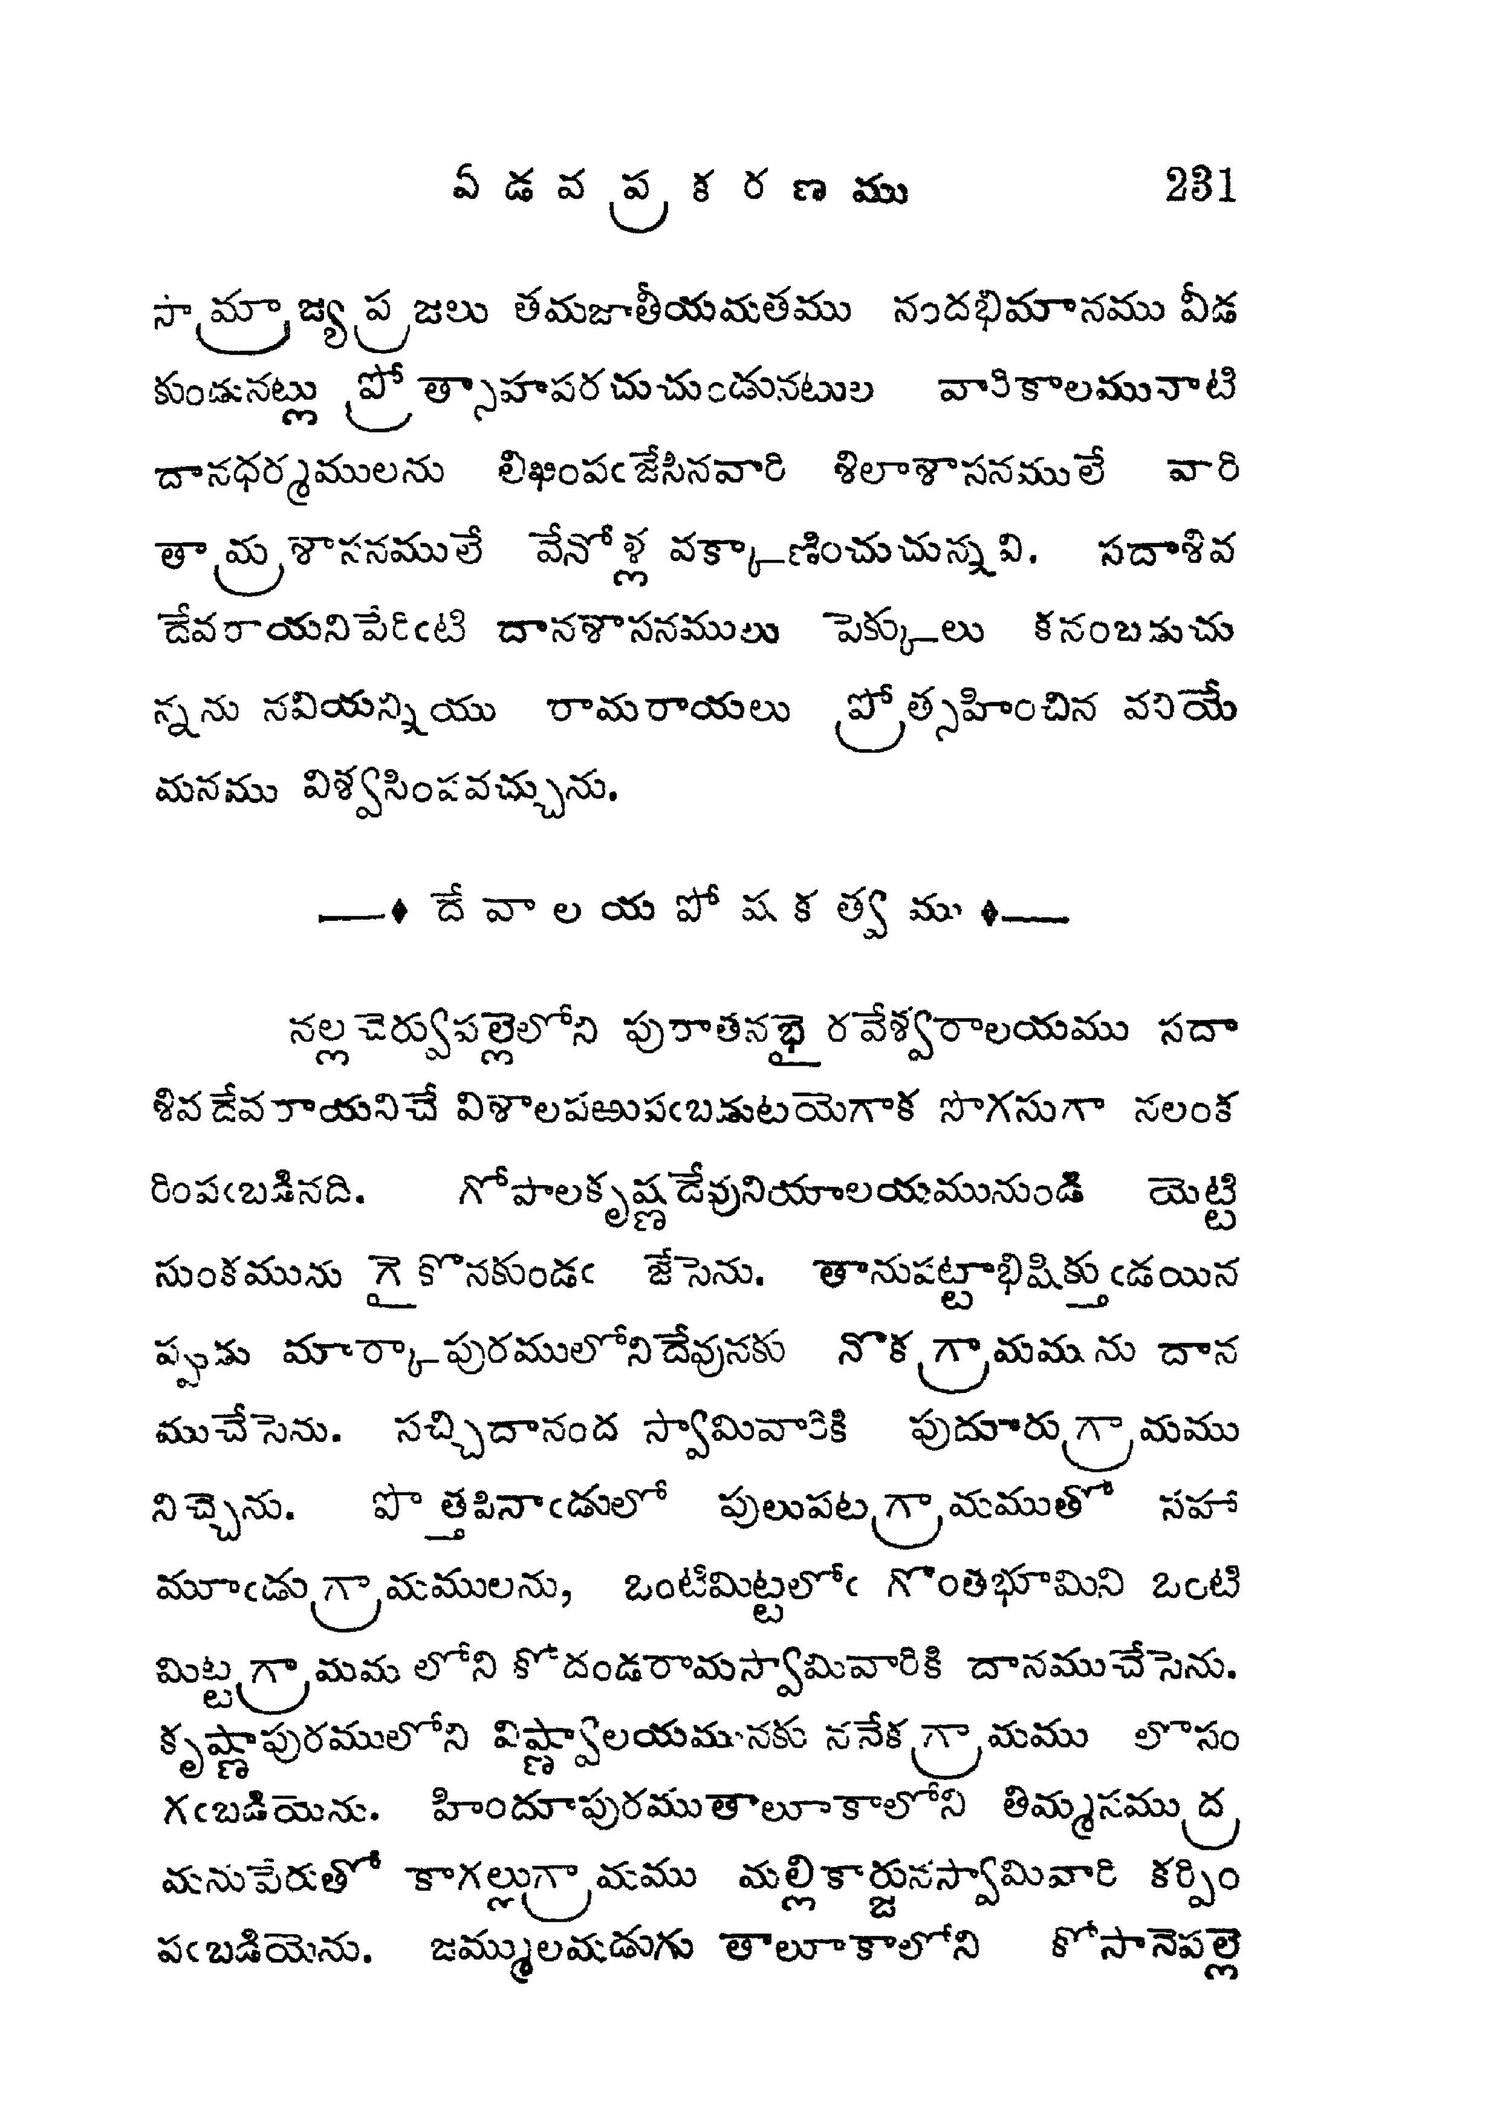సామ్రాజ్యప్రజలు తమజాతీయమతము నందభిమానము వీడకుండునట్లు ప్రోత్సాహపరచుచుండునటుల వారికాలమునాటి దానధర్మములను లిఖింపజేసినవారి శిలాశాసనములే వారి తామ్రశాసనములే వేనోళ్ల వక్కాణించుచున్నవి. సదాశివదేవరాయని పేరిటి దానశాసనములు పెక్కులు కనంబడుచున్నను నవియన్నియు రామరాయలు ప్రోత్సహించిన వనియే మనము విశ్వసింపవచ్చును.

నల్లచెర్వుపల్లెలోని పురాతనభైరవేశ్వరాలయము సదాశివదేవరాయనిచే విశాలపఱుపబడుటయెగాక సొగసుగా నలంకరింపబడినది. గోపాలకృష్ణదేవునియాలయమునుండి యెట్టి సుంకమును గైకొనకుండ జేసెను. తానుపట్టాభిషిక్తుడయినప్పుడు మార్కాపురములోనిదేవునకు నొకగ్రామమును దానముచేసెను. సచ్చిదానంద స్వామివారికి పుదూరుగ్రామము నిచ్చెను. పొత్తపినాడులో పులుపటగ్రామముతో సహామూడుగ్రామములను, ఒంటిమిట్టలో గొంతభూమిని ఒంటిమిట్టగ్రామములోని కోదండరామస్వామి వారికి దానముచేసెను. కృష్ణాపురములోని విష్ణ్వాలయమునకు ననేకగ్రామము లొసంగబడియెను. హిందూపురముతాలూకాలోని తిమ్మసముద్రమనుపేరుతో కాగల్లుగ్రామము మల్లికార్జునస్వామివారి కర్పింపబడియెను. జమ్ములమడుగు తాలూకాలోని కోసానెపల్లె